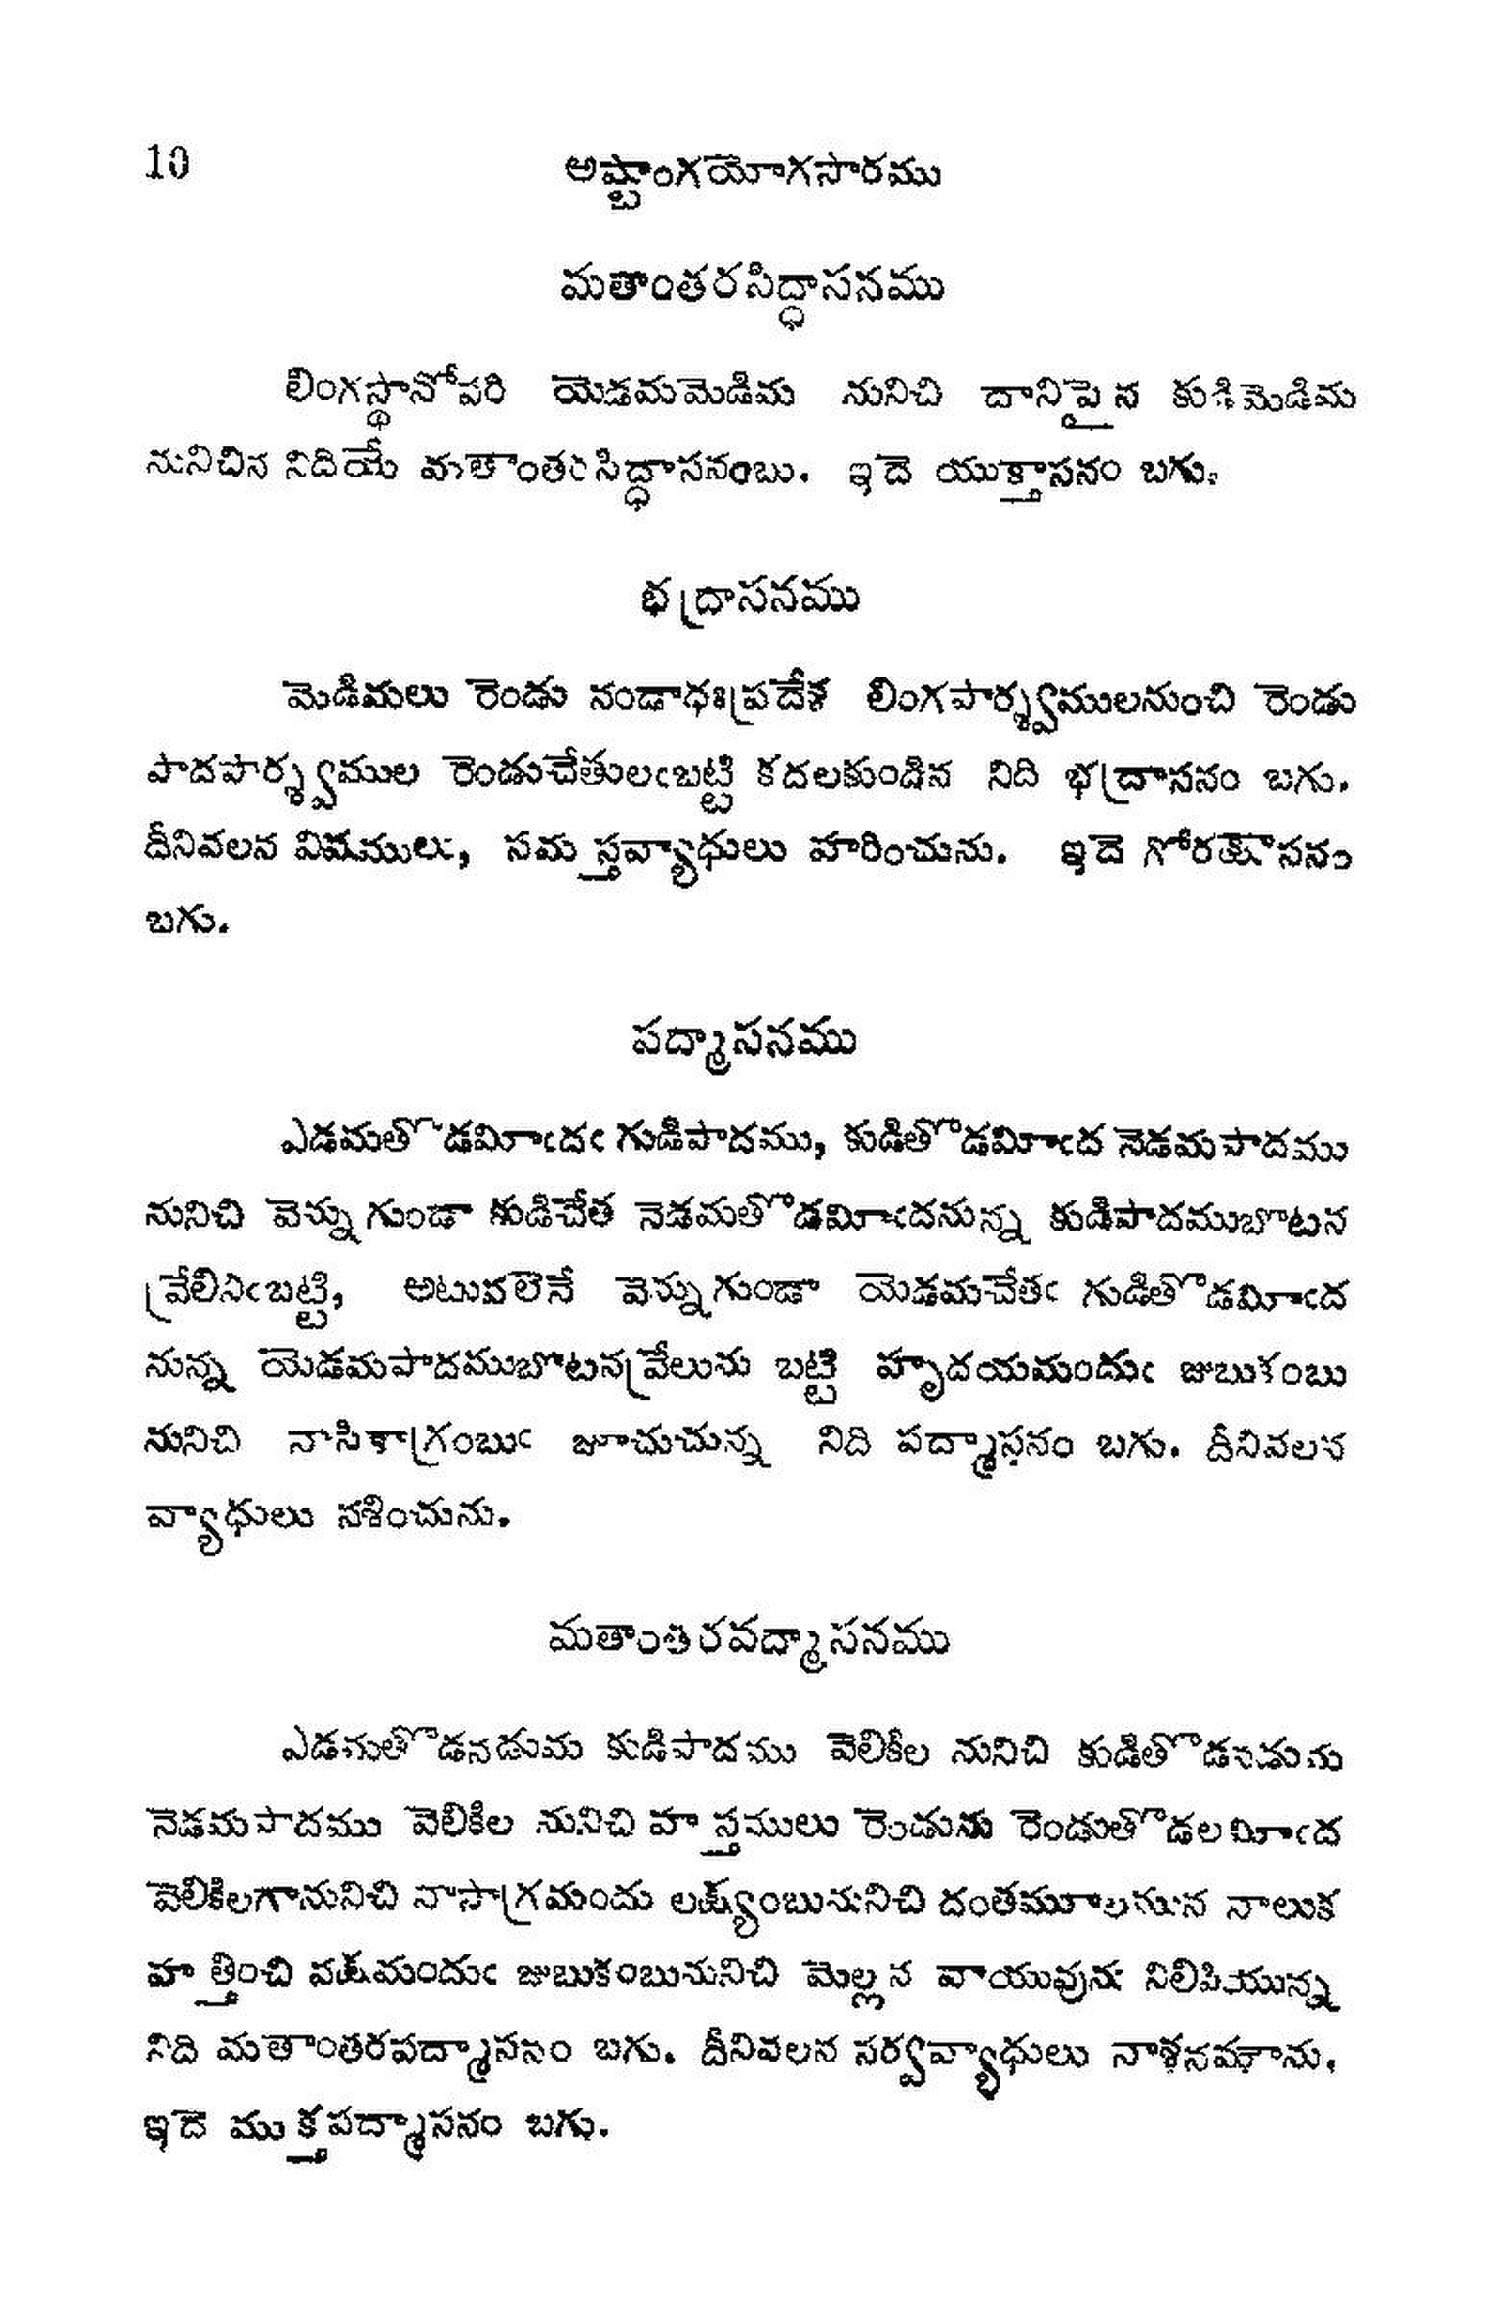లింగస్థానోపరి యెడమెడిమ నునిచి దానిపైన కుడిమెడిమ నునిచిన నిదియే మతాంతరసిద్ధాసనంబు. ఇదె యుక్తాసనం బగు.

మెడిమలు రెండు నండాధఃప్రదేశ లింగపార్శ్వముల నుంచి రెండుపాదపార్శ్వముల రెండుచేతులఁ బట్టి కదలకుండిన నిది భద్రాససం బగు. దీనివలన విషములు, సమస్తవ్యాధులు హరించును. ఇదె గోరక్షాసనం బగు.

ఎడమతొడమీఁదఁ గుడిపాదము, కుడితొడమీఁద నెడమపాదము నునిచి వెన్నుగుండా కుడిచేత నెడమతొడమీఁదనున్న కుడిపాదముబొటనవ్రేలినిఁ బట్టి, అటువలెనే వెన్నుగుండా యెడమచేతఁ గుడితొడమీఁదనున్న యెడమపాదముబొటనవ్రేలును బట్టి హృదయమందుఁ జుబుకంబు నునిచి నాసికాగ్రంబుఁ జూచుచున్న నిది పద్మాసనం బగు. దీనివలన వ్యాధులు నశించును.

ఎడమతొడనడుమ కుడిపాదము వెలికిల నునిచి కుడితొడనడుమ నెడమపాదము వెలికిల నునిచి హస్తములు రెండును రెండుతొడలమీఁద వెలికిలగా నునిచి నాసాగ్రమందు లక్ష్యంబు నునిచి దంతమూలమున నాలుక హత్తించి వక్షమందుఁ జుబుకంబు నునిచి మెల్లన వాయువును నిలిపియున్న నిది మతాంతరపద్మాసనం బగు. దీనివలన సర్వవ్యాధులు నాశనమౌను. ఇదె ముక్తపద్మాసనం బగు.